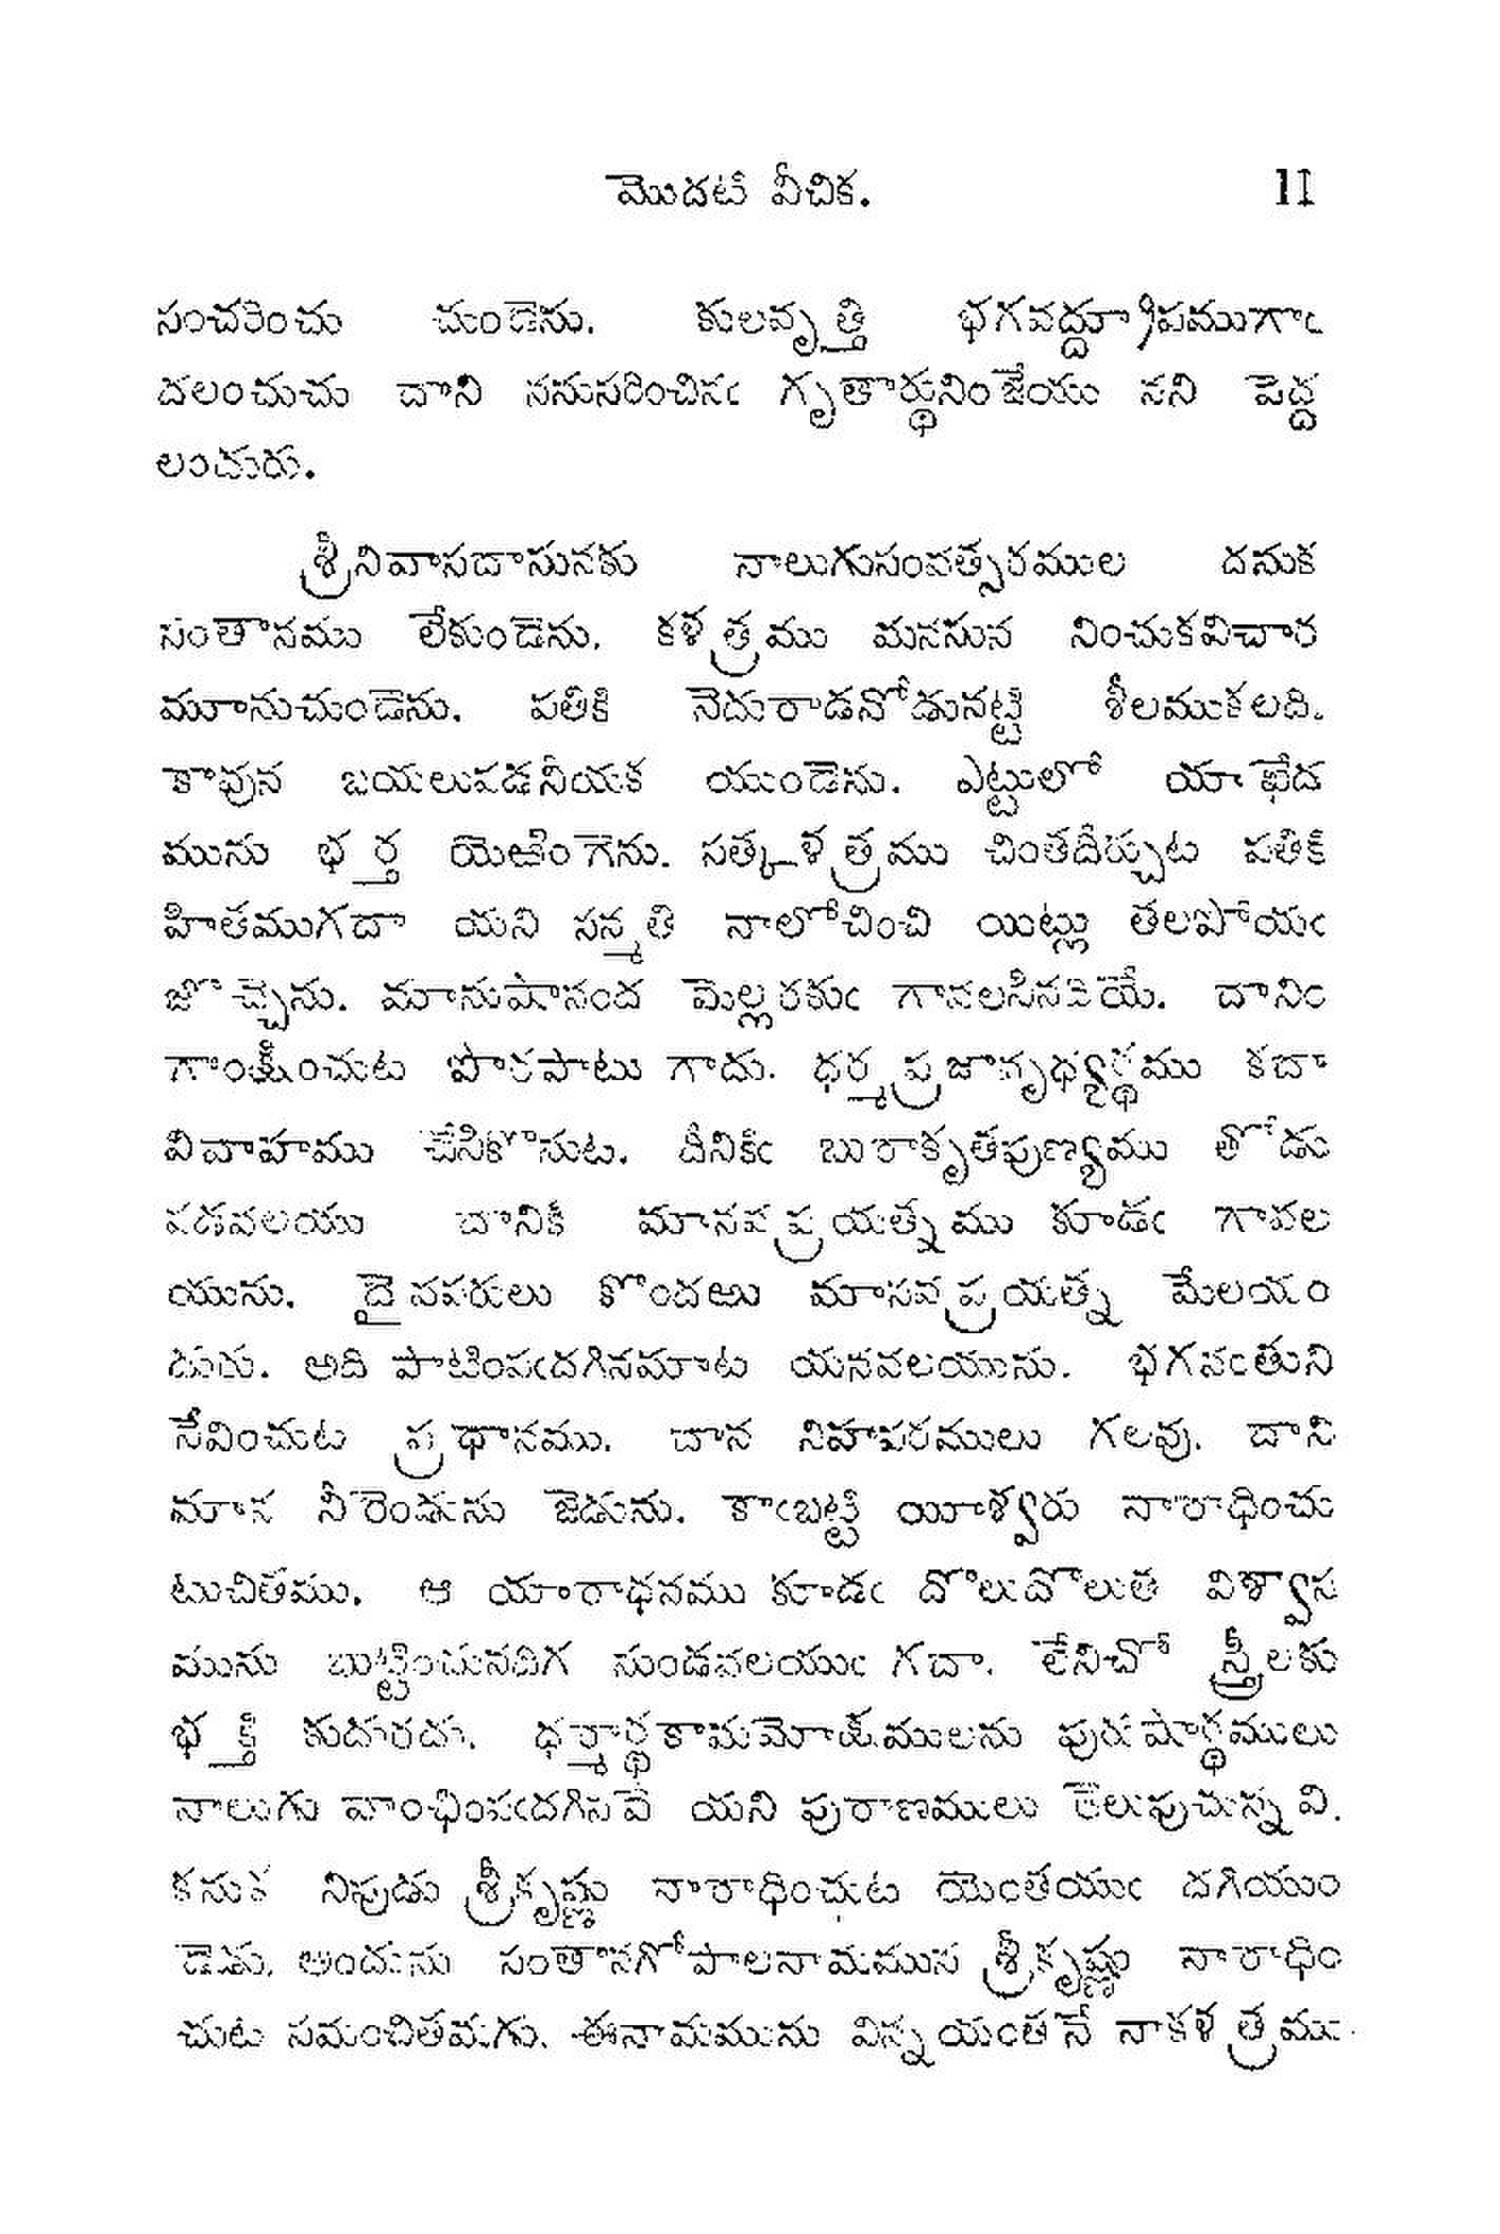సంచరించు చుండెను. కులవృత్తి భగవద్ద్రూపముగా దలంచుచు దాని ననుసరించినఁ గృతార్థునిం జేయు నని పెద్దలందురు.

శ్రీనివాసదాసునకు నాలుగుసంవత్సరముల దనుక సంతానము లేకుండెను. కళత్రము మనసున నించుకవిచారమూనుచుండెను. పతికి నెదురాడనోడునట్టి శీలముకలది. కావున బయలుపడనీయక యుండెను. ఎట్టులో యా భేదమును భర్త యెఱింగెను. సత్కళత్రము చింతదీర్చుట పతికి హితముగదా యని సన్మతి నాలోచించి యిట్లు తలపోయఁ జొచ్చెను. మానుషానంద మెల్లరకుఁ గావలసినవిదియే. దానిం గాంక్షించుట పొరపాటు గాదు. ధర్మ ప్రజావృధ్యర్థము కదా వివాహము చేసికొనుట. దీనికి బురాకృతపుణ్యము తోడు పడవలయు దానికి మానవ యత్నము కూడఁ గావలయును. దైవపరులు కొందఱు మానవ ప్రయత్న మేలయందురు. అది పాటింపఁదగినమాట యనవలయును. భగవంతుని సేవించుట ప్రధానము. బాన నిహపరములు గలవు. దాని మాన నీ రెండును జెడును. కాఁబట్టి యీశ్వరు నారాధించు టుచితము. ఆ యారాధనము కూడఁ దొలుదొలుత విశ్వాసమును బుట్టించు నదిగ సుండవలయుఁ గదా. లేనిచో స్త్రీలకు భక్తి కుదరదు. ధర్మార్థకామమోక్షములను పురుషార్థములు నాలుగు వాంఛింపదగినవే యని పురాణములు తెలుపుచున్నవి. కనుక నిపుడు శ్రీకృష్ణు నారాధించుట యెంతయుఁ దగియుండెడు. అందును సంతానగోపాలనామమున శ్రీకృష్ణు నారాధించుట సమంచితమగు.ఈ నామమును విన్న యంతనే నాకళత్రము